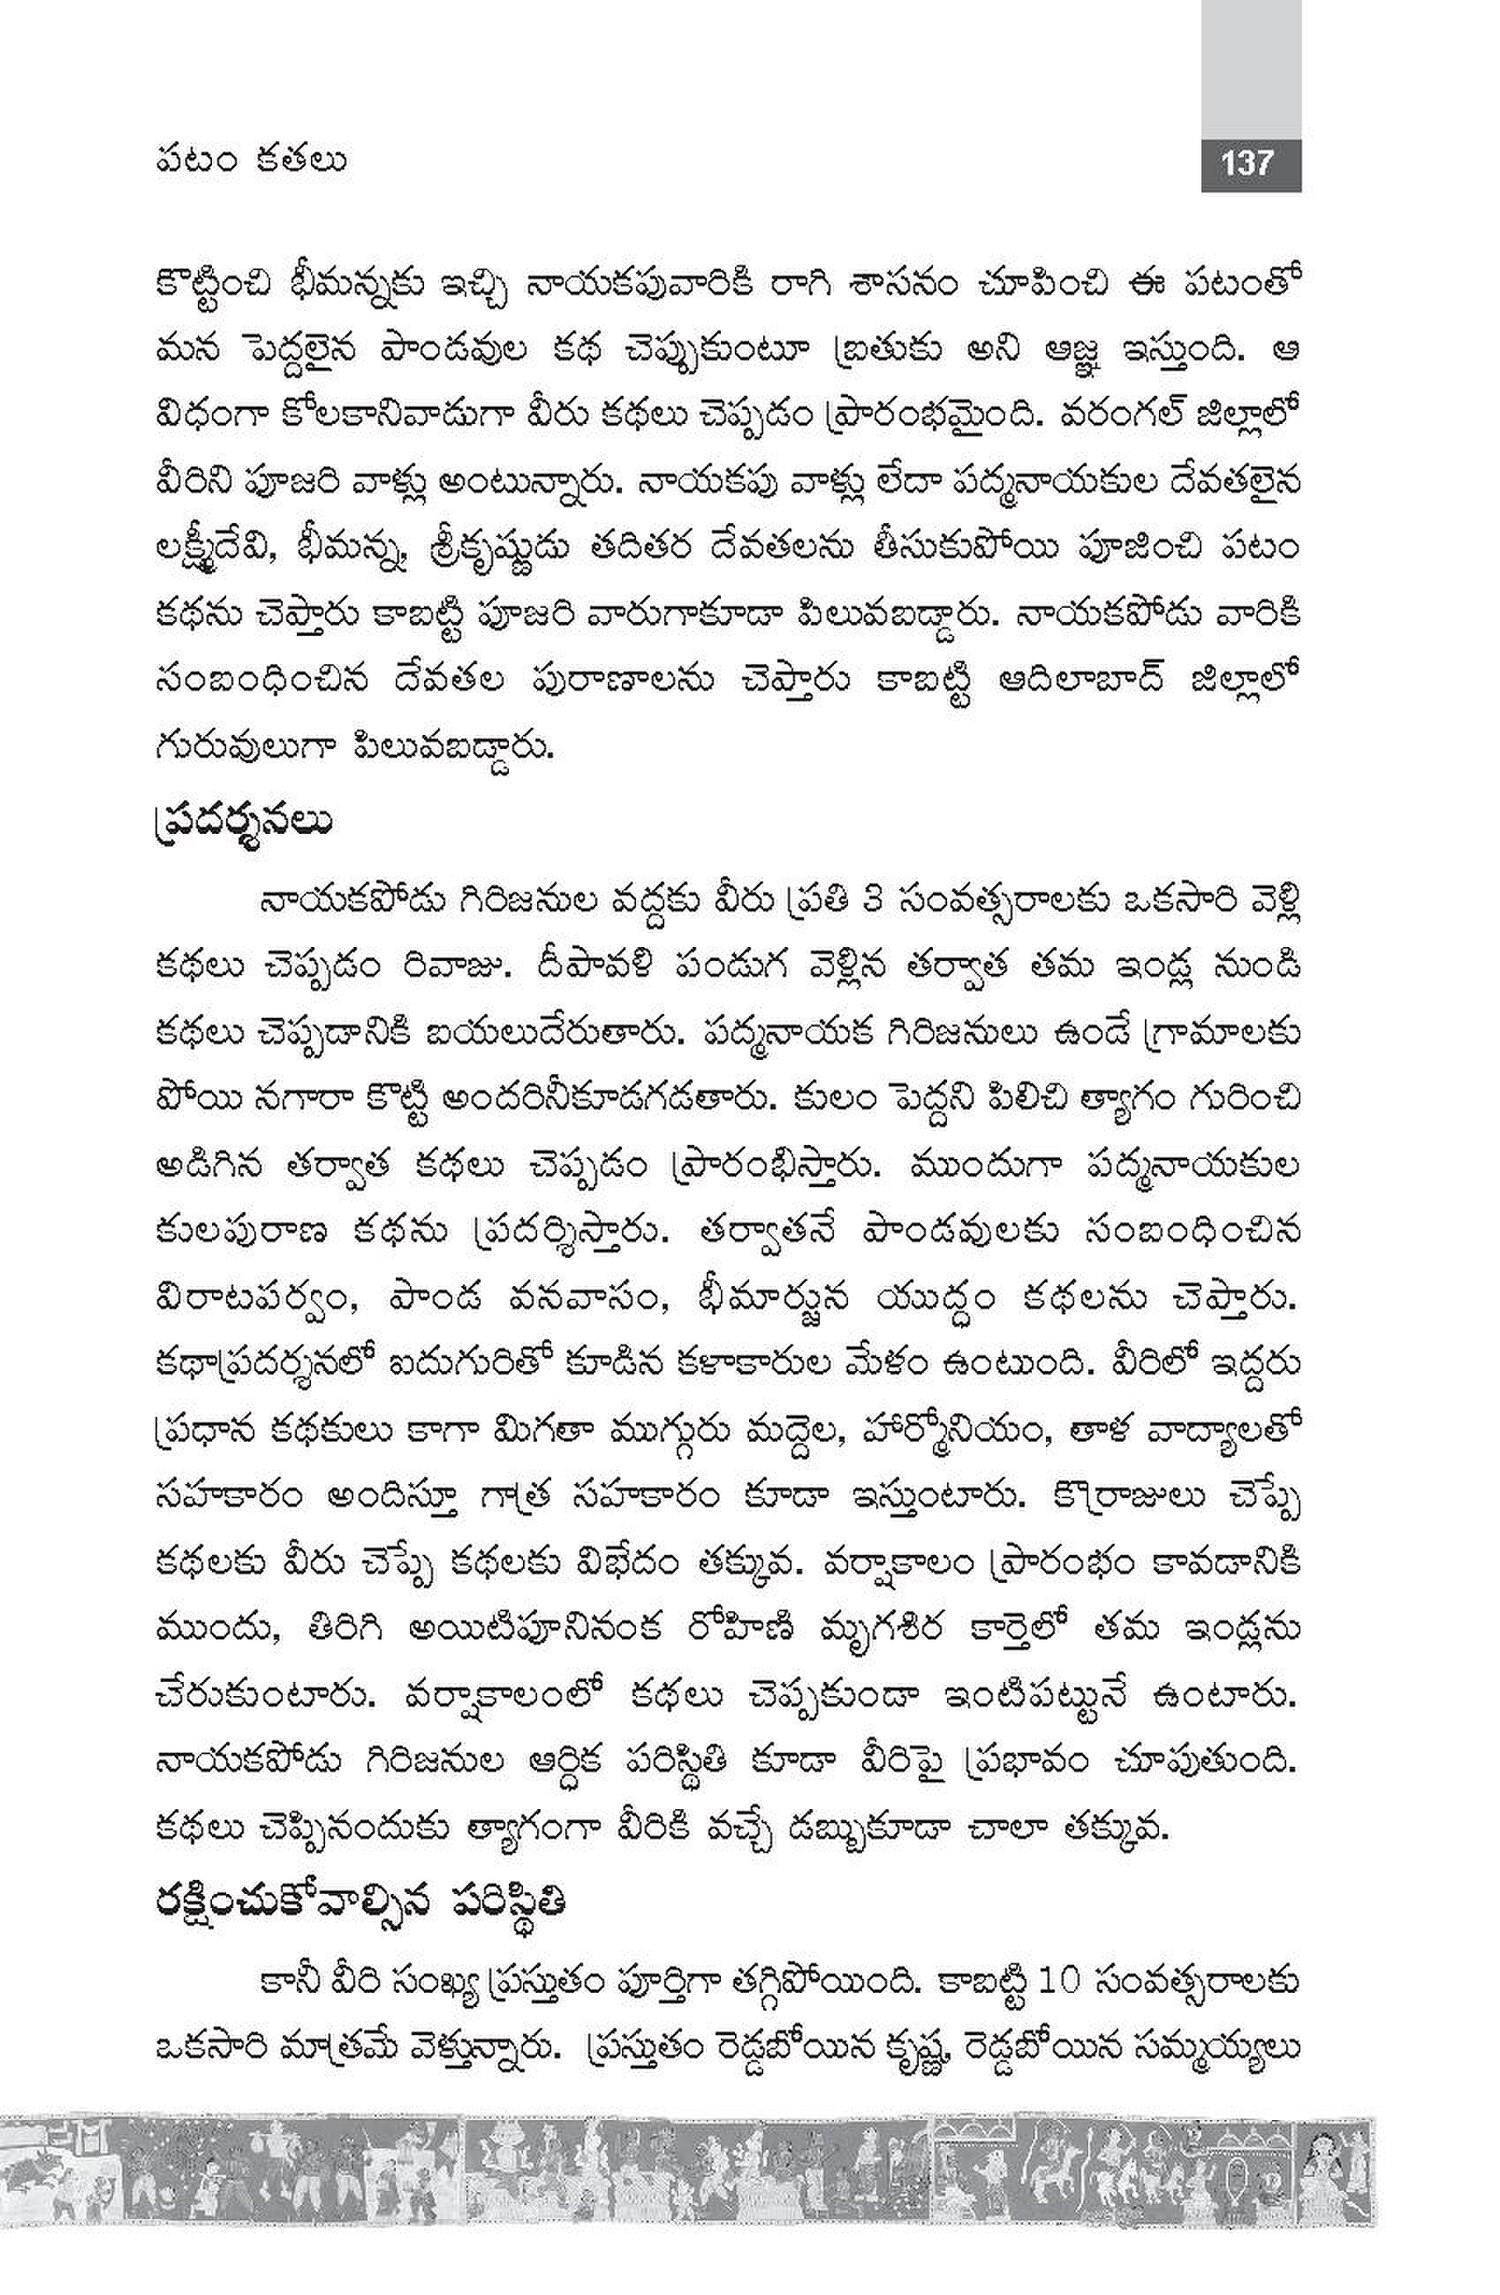కొట్టించి భీమన్నకు ఇచ్చి నాయకపువారికి రాగి శాసనం చూపించి ఈ పటంతో మన పెద్దలైన పాండవుల కథ చెప్పుకుంటూ బ్రతుకు అని ఆజ్ఞ ఇస్తుంది. ఆ విధంగా కోలకానివాడుగా వీరు కథలు చెప్పడం ప్రారంభమైంది. వరంగల్ జిల్లాలో వీరిని పూజరి వాళ్లు అంటున్నారు. నాయకపు వాళ్లు లేదా పద్మనాయకుల దేవతలైన లక్ష్మీదేవి, భీమన్న, శ్రీకృష్ణుడు తదితర దేవతలను తీసుకుపోయి పూజించి పటం కథను చెప్తారు కాబట్టి పూజరి వారుగా కూడా పిలువబడ్డారు. నాయకపోడు వారికి సంబంధించిన దేవతల పురాణాలను చెప్తారు కాబట్టి ఆదిలాబాద్ జిల్లాలో గురువులుగా పిలువబడ్డారు.

ప్రదర్శనలు 

నాయకపోడు గిరిజనుల వద్దకు వీరు ప్రతి 3 సంవత్సరాలకు ఒకసారి వెళ్లి కథలు చెప్పడం రివాజు. దీపావళి పండుగ వెళ్లిన తర్వాత తమ ఇండ్ల నుండి కథలు చెప్పడానికి బయలుదేరుతారు. పద్మనాయక గిరిజనులు ఉండే గ్రామాలకు
పోయి నగారా కొట్టి అందరినీకూడగడతారు. కులం పెద్దని పిలిచి త్యాగం గురించి అడిగిన తర్వాత కథలు చెప్పడం ప్రారంభిస్తారు. ముందుగా పద్మనాయకుల కులపురాణ కథను ప్రదర్శిస్తారు. తర్వాతనే పాండవులకు సంబంధించిన
విరాటపర్వం, పాండ వనవాసం, భీమార్జున యుద్ధం కథలను చెప్తారు. కథాప్రదర్శనలో ఐదుగురితో కూడిన కళాకారుల మేళం ఉంటుంది. వీరిలో ఇద్దరు ప్రధాన కథకులు కాగా మిగతా ముగ్గురు మద్దెల, హార్మోనియం, తాళ వాద్యాలతో
సహకారం అందిస్తూ గాత్ర సహకారం కూడా ఇస్తుంటారు. కొర్రాజులు చెప్పే కథలకు వీరు చెప్పే కథలకు విభేదం తక్కువ. వర్షాకాలం ప్రారంభం కావడానికి ముందు, తిరిగి అయిటిపూనినంక రోహిణి మృగశిర కార్తెలో తమ ఇండ్లను
చేరుకుంటారు. వర్షాకాలంలో కథలు చెప్పకుండా ఇంటిపట్టునే ఉంటారు. నాయకపోడు గిరిజనుల ఆర్ధిక పరిస్థితి కూడా వీరిపై ప్రభావం చూపుతుంది. కథలు చెప్పినందుకు త్యాగంగా వీరికి వచ్చే డబ్బుకూడా చాలా తక్కువ.

రక్షించుకోవాల్సిన పరిస్థితి 

కానీ వీరి సంఖ్య ప్రస్తుతం పూర్తిగా తగ్గిపోయింది. కాబట్టి 10 సంవత్సరాలకు ఒకసారి మాత్రమే వెళ్తున్నారు. ప్రస్తుతం రెడ్డబోయిన కృష్ణ, రెడ్డబోయిన సమ్మయ్యలు